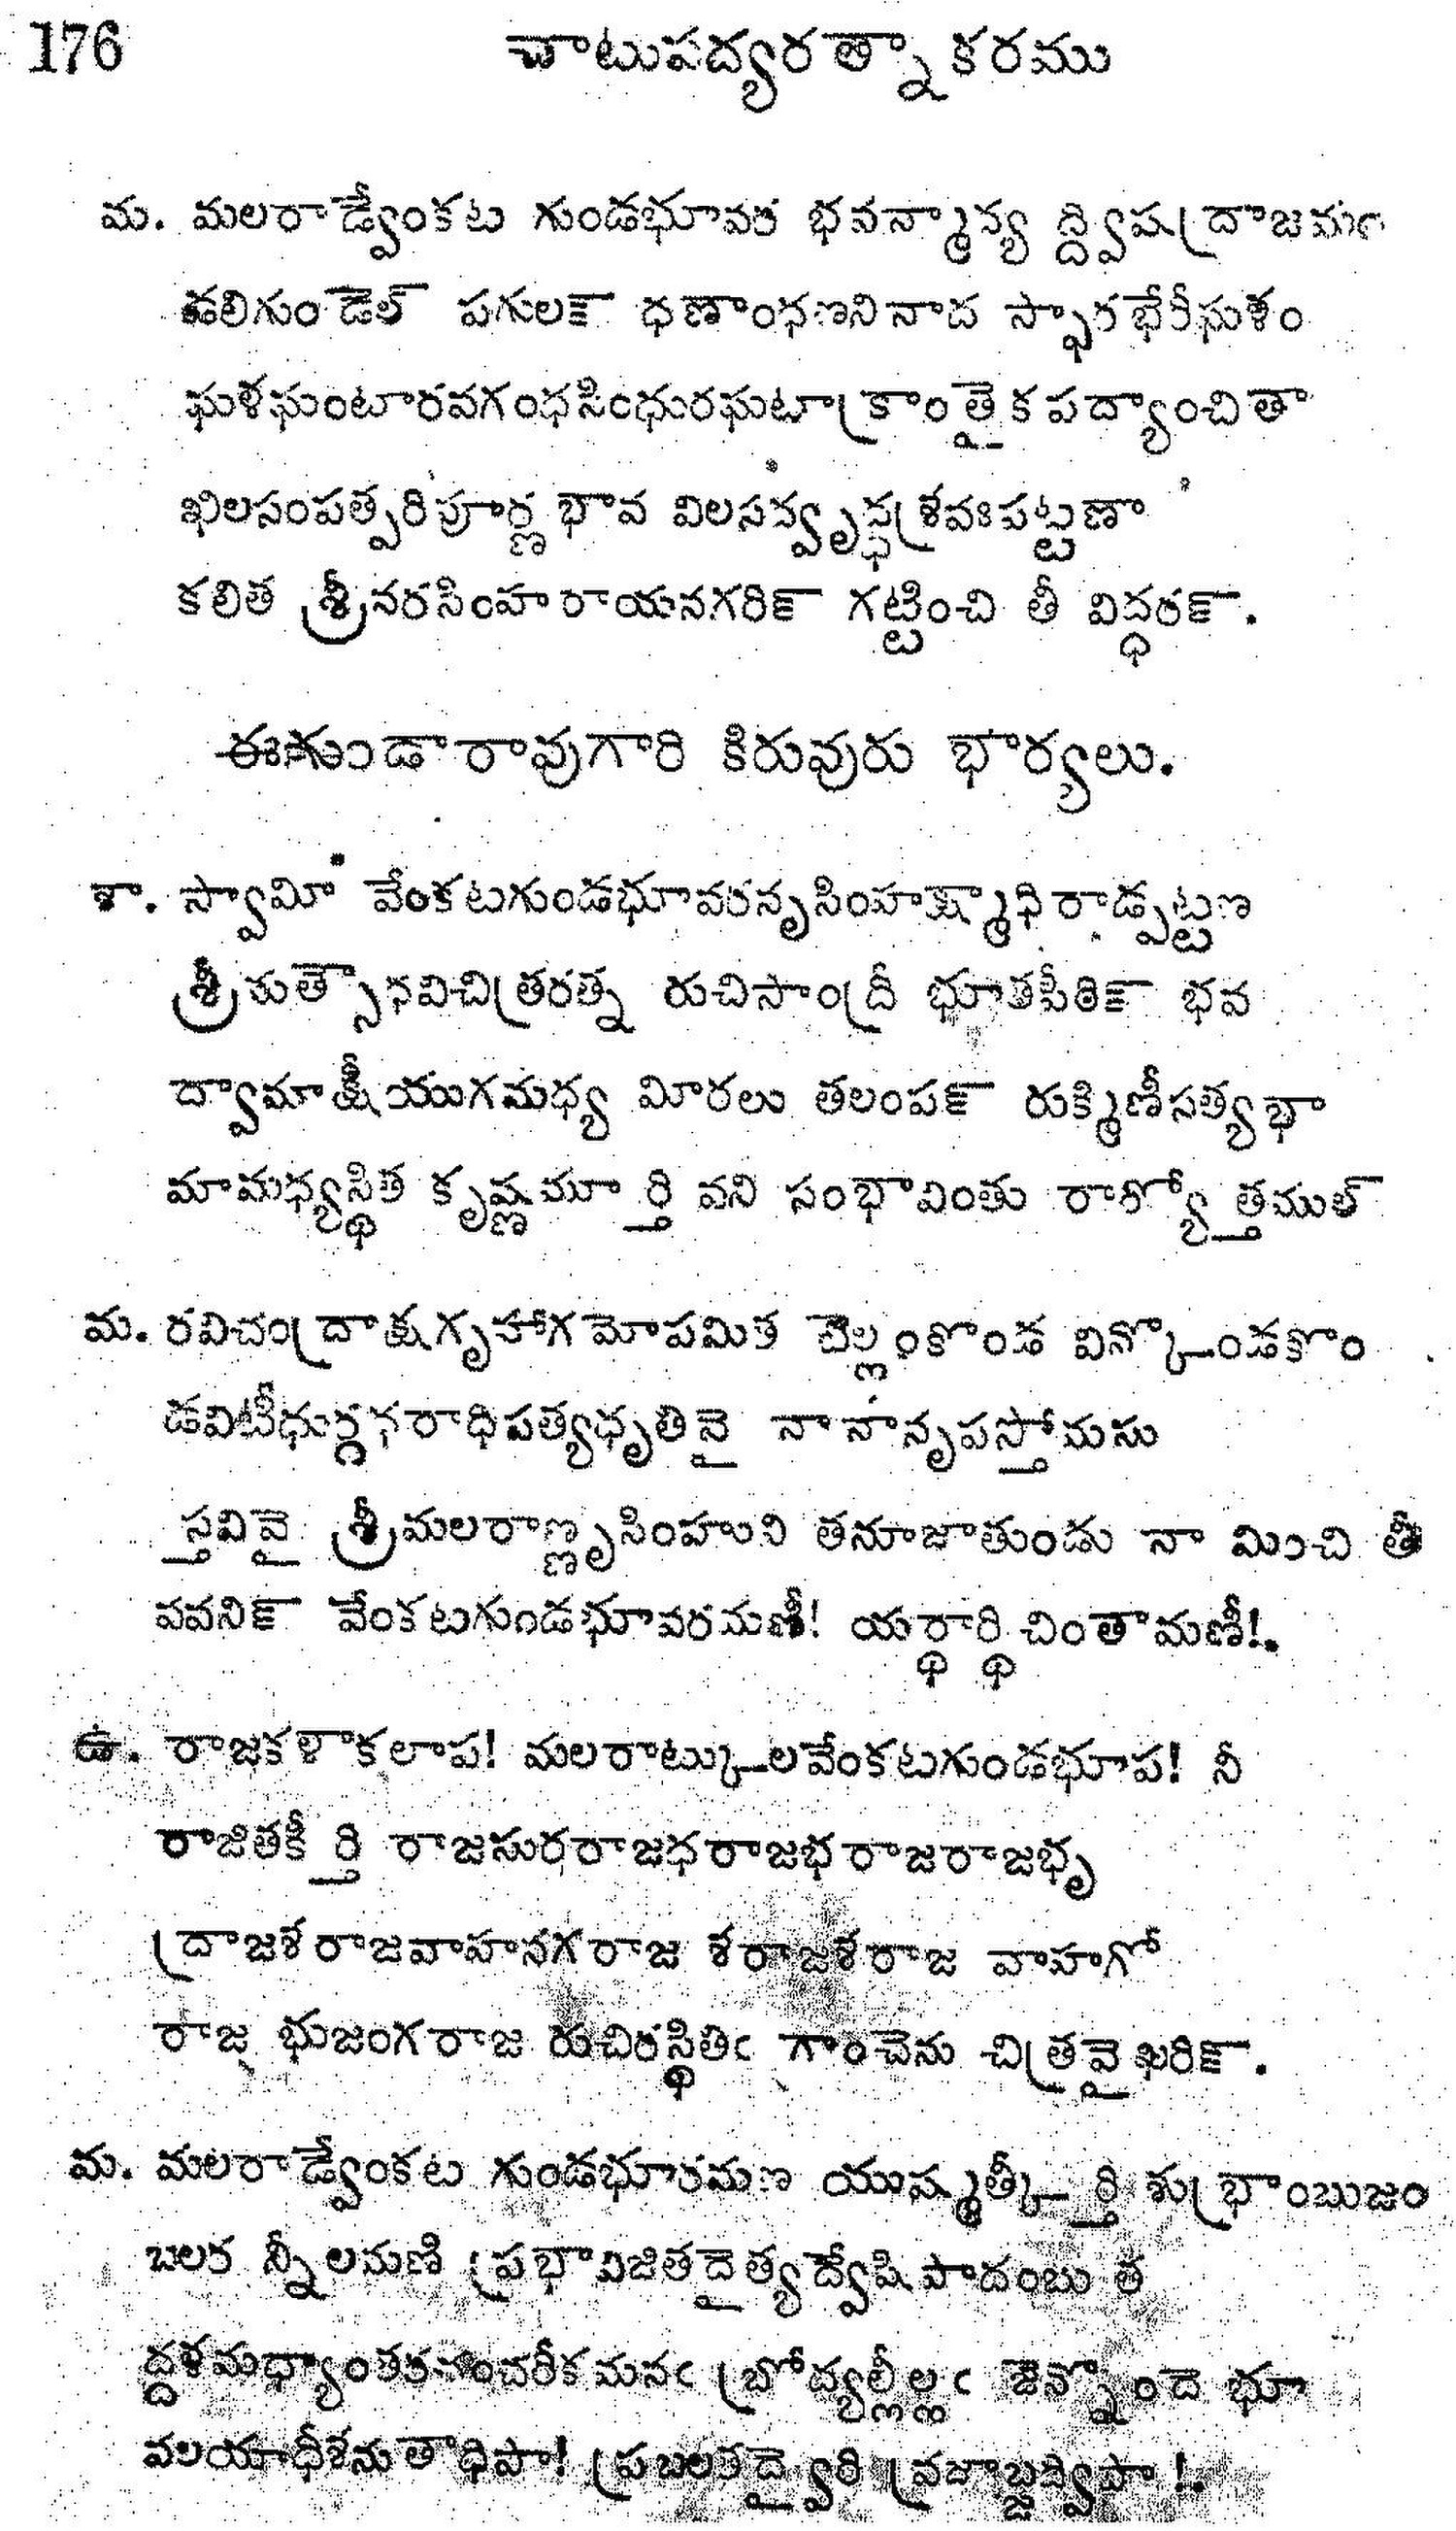మ. మలరాడ్వేంకటగుండభూవర భవన్మాద్యద్ద్విషద్రాజమం
 డలిగుండెల్ పగులన్ ధణాంధణనినాదస్ఫారభేరీఘళం
 ఘళఘంటారవగంధసింధురఘటాక్రాంతైకపద్యాంచితా
 ఖిలసంపద్పరిపూర్ణభావవిలసద్వృద్ధశ్రవఃపట్టణా
 కలిత శ్రీనరసింహరాయనగరిన్ గట్టించి తీ విద్ధరన్.

ఈగుండారావుగారి కిరువురు భార్యలు.

శా. స్వామీ వేంకటగుండభూవరనృసింహక్ష్మాధిరాడ్పట్టణ
 శ్రీమత్సౌధవిచిత్రరత్నరుచిసాంద్రీభూతపీఠిన్ భవ
 ద్వామాక్షీయుగమధ్య మీరలు తలంపన్ రుక్మిణీసత్యభా
 మామధ్యస్థిత కృష్ణమూర్తి వని సంభావింతు రార్యోత్తముల్.

మ. రవిచంద్రాక్షగృహాగమోపమిత బెల్లంకొండ విన్కొండ కొం
 డవిటీదుర్గధరాధిపత్యధృతివై నానానృపస్తోమసు
 స్తవివై శ్రీమలరాణ్ణృసింహుని తనూజాతుండు నా మించి తీ
 వవనిన్ వేంకటగుండభూవరమణీ! యర్థార్థిచింతామణీ!

ఉ. రాజకళాకలాప! మలరాట్కులవేంకటగుండభూప! నీ
 రాజితకీర్తి రాజసురరాజధరాజభరాజరాజభృ
 ద్రాజశరాజవాహనగరాజశరాజశరాజవాహగో
 రాజభుజంగరాజరుచిరస్థితిఁ గాంచెను చిత్రవైఖరిన్.

మ. మలరాడ్వేంకటగుండభూరమణ యుష్మత్కీర్తిశుభ్రాంబుజం
 బలర న్నీలమణిప్రభావిజితదైత్యద్వేషిపాదంబు త
 ద్దళమధ్యాంతరచంచరీకమనఁ బ్రోద్యల్లీలఁ జెన్నొందె భూ
 వలయాధీశనుతాధిపా! ప్రబలతద్వైరివ్రజాబ్జద్విపా!